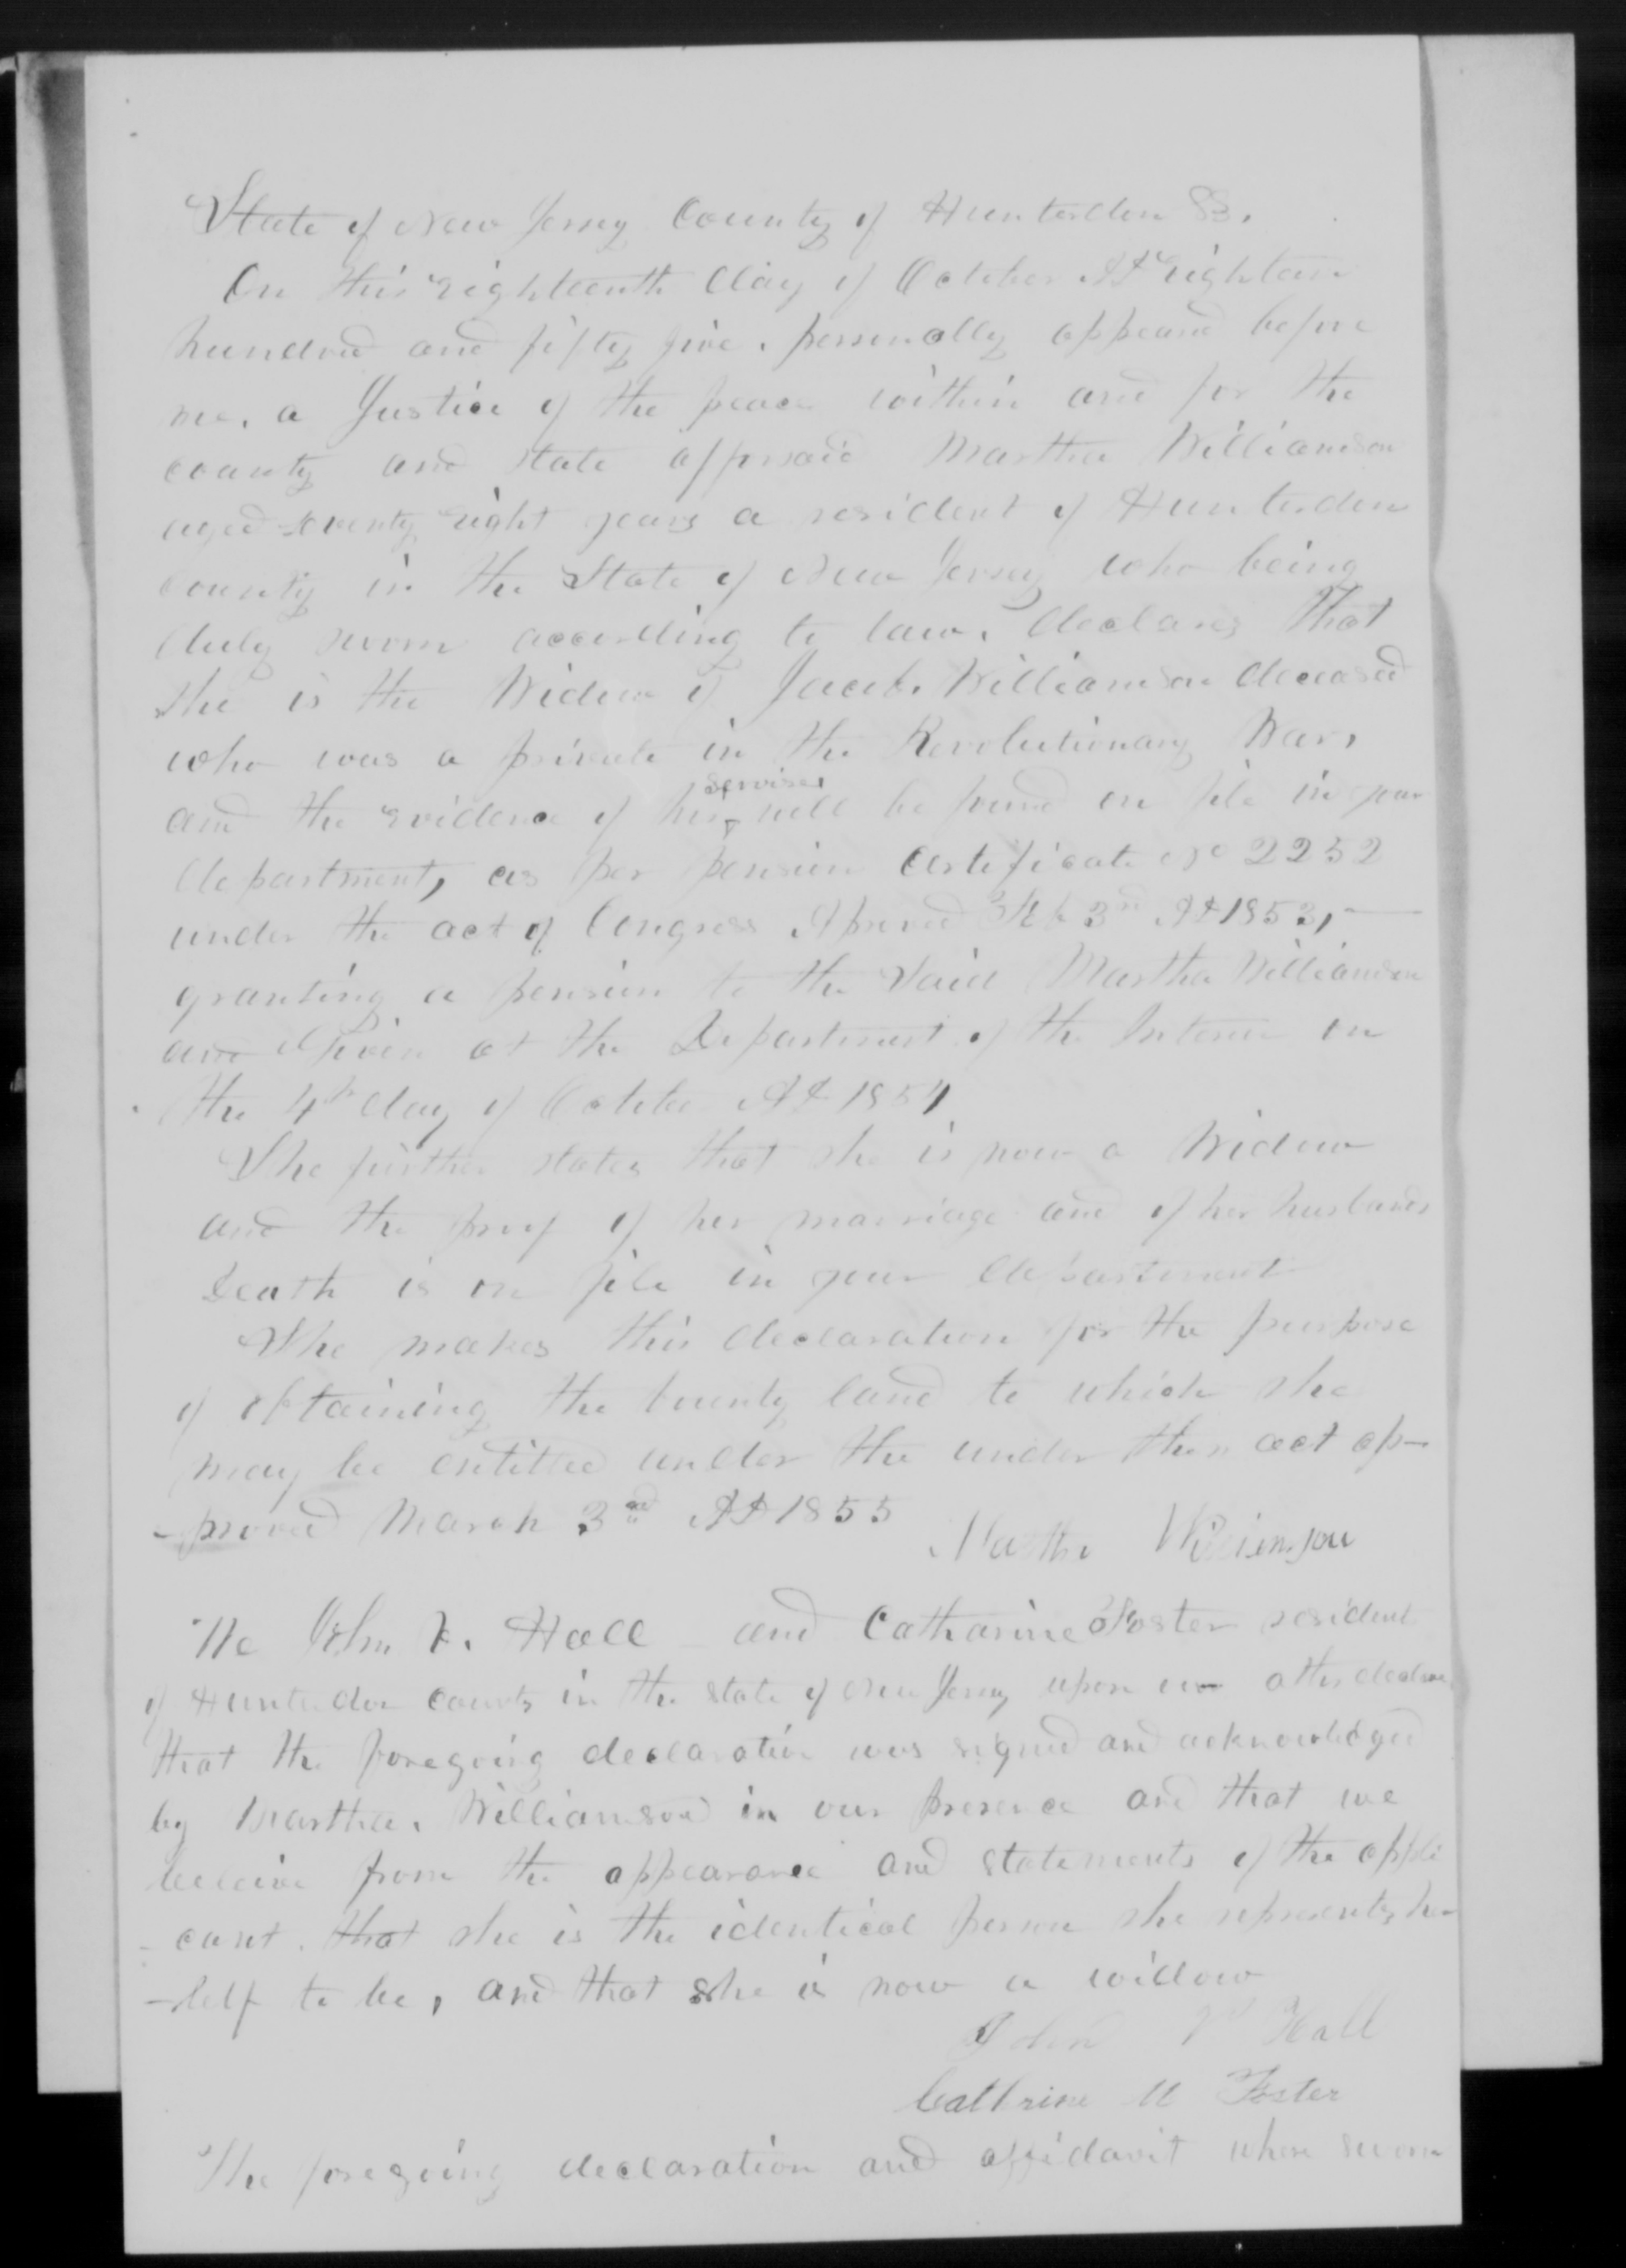State of New Jersey 
County of Hunterdon//

On this Eighteenth day of October A.D. Eighteen Hundred and Fifty five personally appeared before me, a Justice of the Peace within and for the County and State aforesaid, Martha Williamson, aged Seventy eight years, a resident of Hunterdon County in the State of New Jersey, who being duly sworn according to law declares that she is the widow of Jacob Williamson, deceased, who was a private in the Revolutionary War and the evidence of his services will be found on file in your department as per Pension Certificate No. 2252 under the Act of Congress approved Feb. 3rd A.D. 1853 granting a pension to the said Martha Williamson and given at the Department of the Interior on the 4th day of October A.D. 1854.

She further states that she is now a widow and the proof of her marriage and of her husband's death is on file in your department.

She makes this declaration for the purpose of obtaining the Bounty Land to which she may be entitled under the under the Act approved March 3rd A.D. 1855.
s/ Martha Williamson

We, John F. Hall and Catharine Foster, residents of Hunterdon County in the State of New Jersey upon our attestation that the foregoing declaration was signed and acknowledged by Martha Williamson in our presence and that we believe from the appearance and statements of the applicant that she is the identical person she represents herself to be and that she is now a widow.
s/ John F. Wall
s/ Catharine M. Foster

The foregoing declaration and affidavit where [were] sworn...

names: Jacob Williamson, John F Hall, Martha Williamson, Catharine Foster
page: 20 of 67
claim: widow's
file: W. 2393, Jacob Williamson, New Jersey